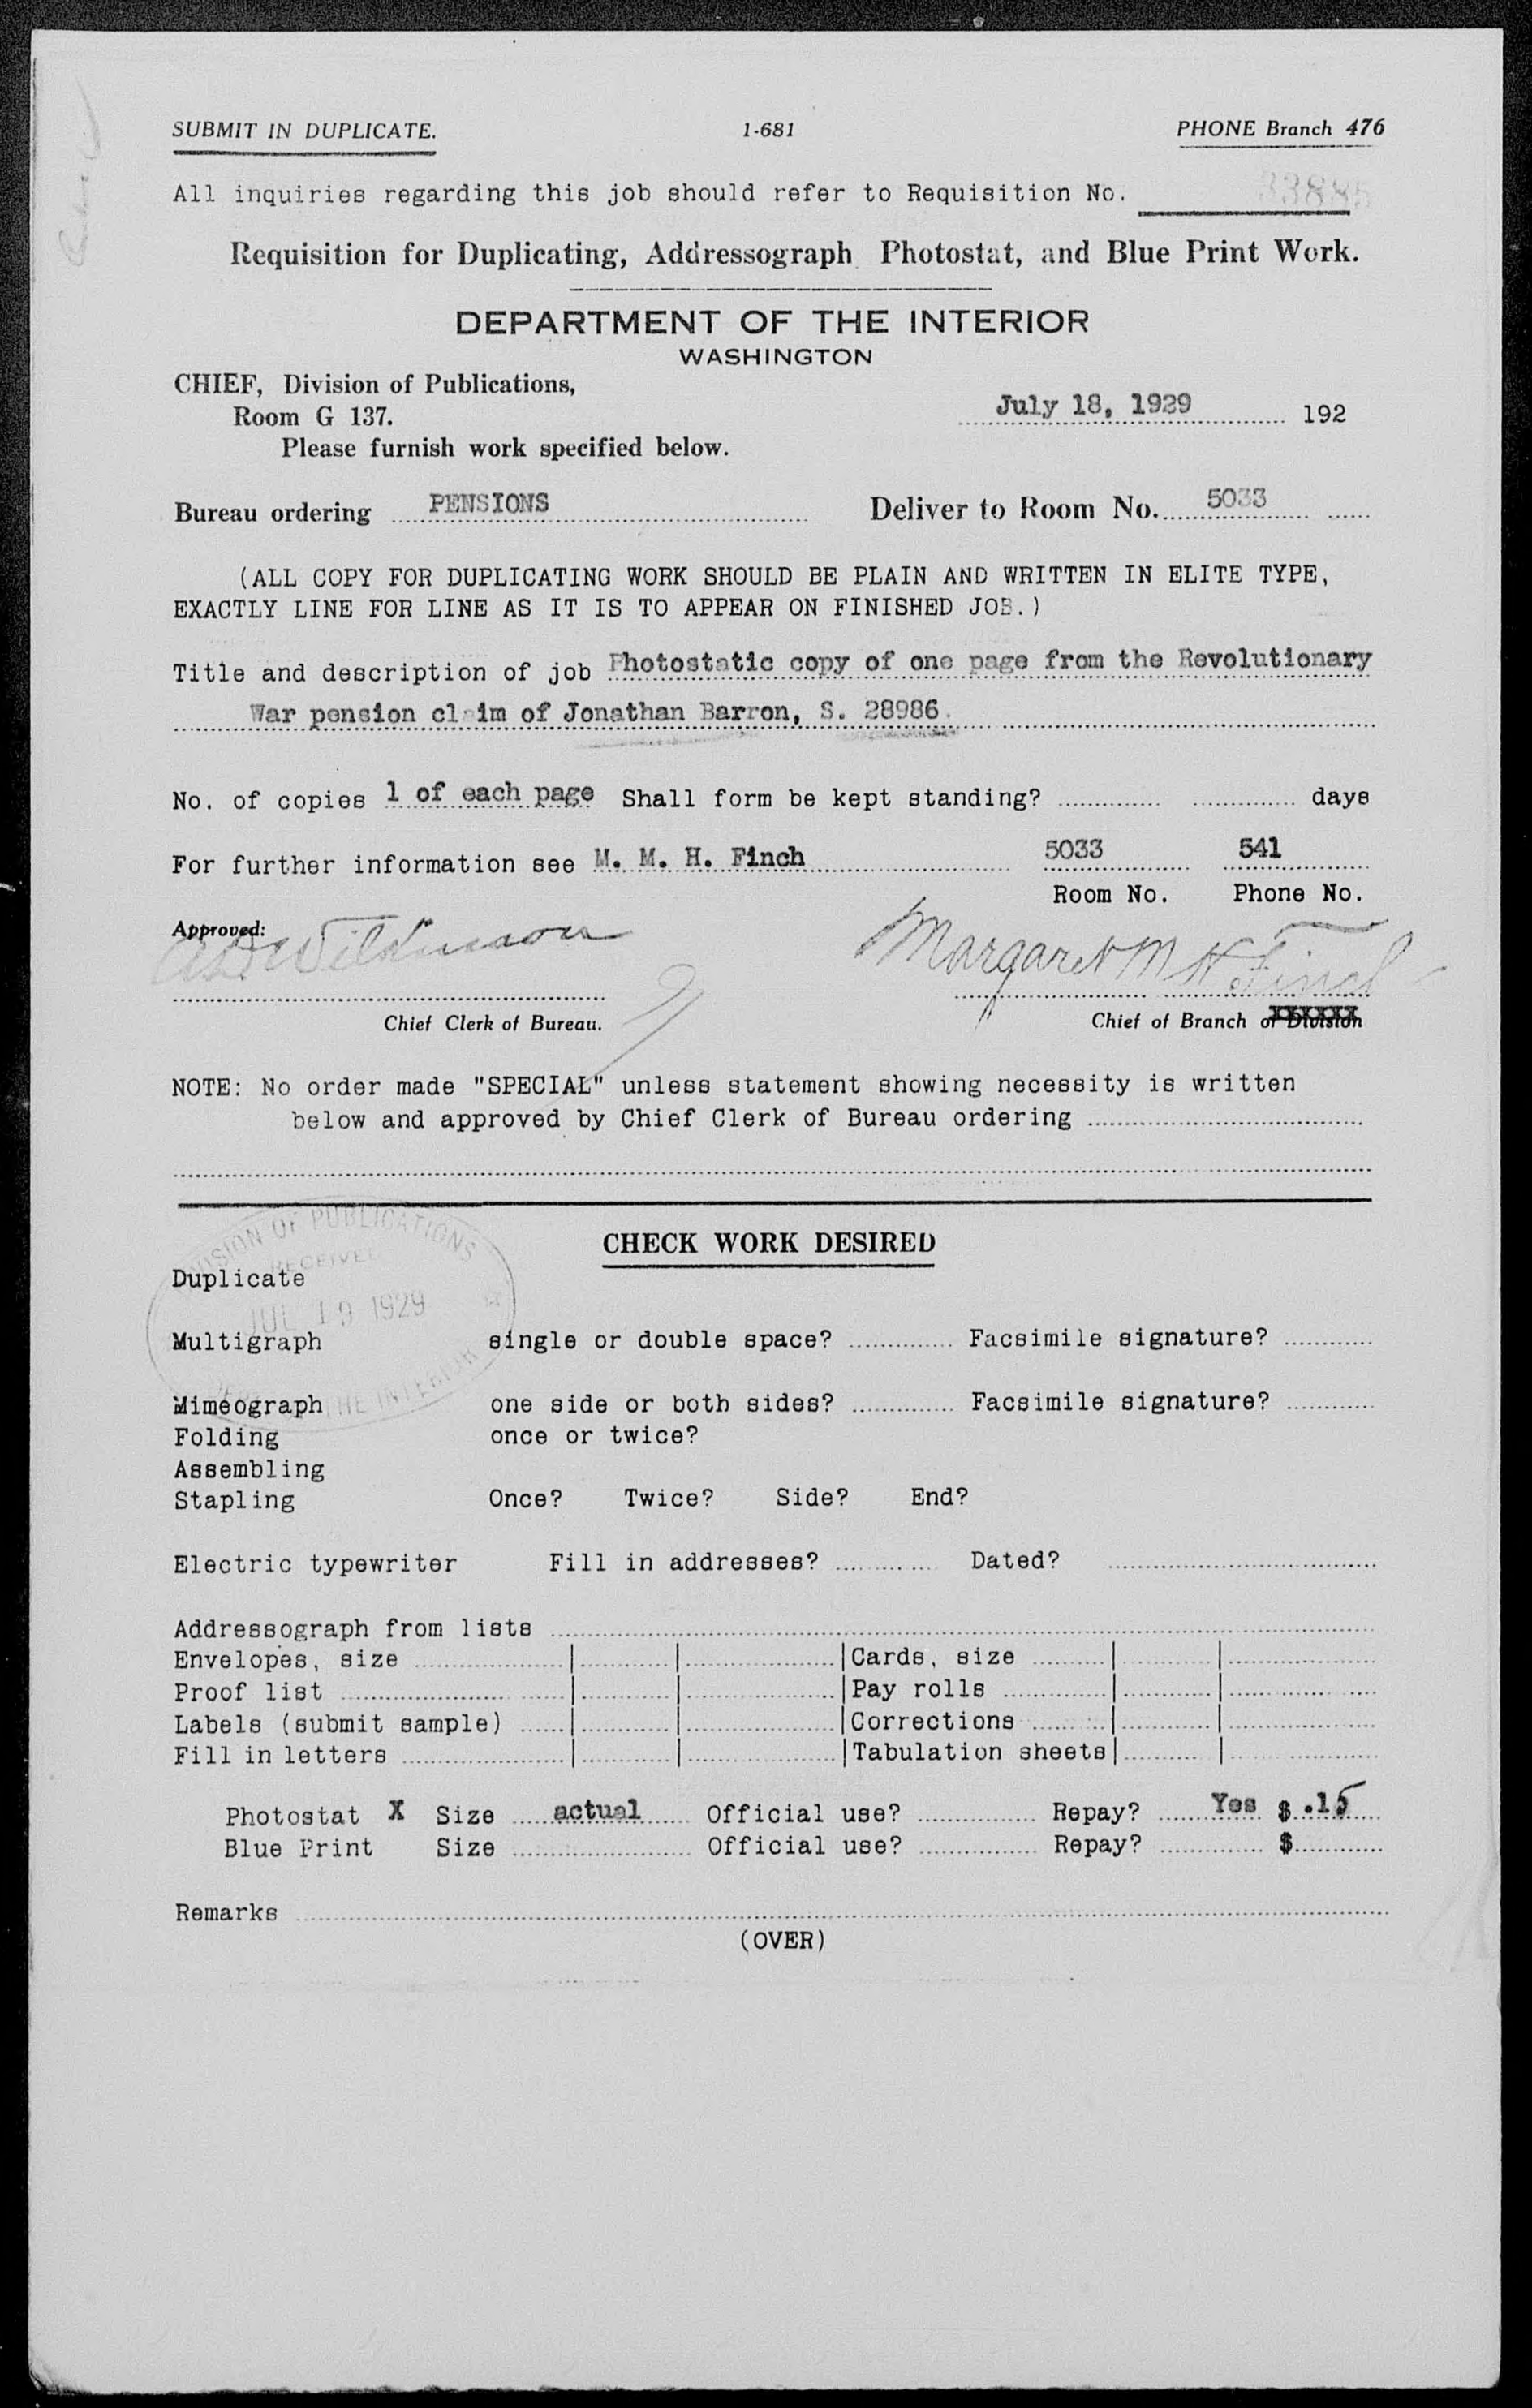SUBMIT IN DUPLICATE    1-681    PHONE Branch 476

All inquiries regarding this job should refer to Requisition NO. 33885
Requisition for Duplicating, Addressograph Photstat, and Blue Print Work.

DEPARTMENT OF THE INTERIOR
WASHINGTON
CHIEF, Division of Publications, 
Room G 137.  July 18, 1929  [192__]
Bureau ordering PENSIONS   Deliver to Room No. 5033

(ALL COPY FOR DUPLICATING WORK SHOULD BE PLAIN AND WRITTEN IN ELITE TYPE, EXACTLY LINE FOR LINE A IT IS TO APPEAR ON FINISHED JOB.)

Title and description of job Photostatic copy of one page from the Revolutionary War pension claim of Jonathan Barron, S. 28986.

No. of copies 1 of each page   Shall form be kept standing? [blank] days
For further information see M. M. H Finch  Room no. 5033 Phone No. 541

Approved A.D. Wilkinson Chief Clerk of Bureau  
Margaret M. H. Finch Chief of Branch [of Division x-ed out xxxxxx]

NOTE: No order made "SPECIAL" unless statement showing necessity is written below and approved by Chief Clerk of Bureau ordering

CHECK WORK DESIRED
Duplicate
Multigraph  single or double space? __ Facsimile signature? __
Mimeograph one side or both sides? __ Facsimile signature? __
Folding  once or twice?
Assembling 
Stapling  Once?  Twice?  Side?  End?
Electric typewriter  Fill in addresses? __ Dated? __
Adressograph from lists __
Envelopes size __ Cards Size __
Proof list __  Pay rolls __
Labels (submit sample) __  Corrections __
Fill in letters __  Tabulation sheets __

Photostat X  Size Actual  Official use? __ Repay? Yes $ .15
Blue Print  Size __ Official use? __ Repay? __ $ __

Remarks ____
(OVER)


[There is an oval stamp on the left side with the words DIVISION OF PUBLICATIONS
RECEIVED 
JUL 19 1929
DEPT OF THE INTERIOR]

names: Jonathan Barron, Margaret M H Finch, M M H Finch, A D Wilkinson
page: 10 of 25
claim: survivor's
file: S. 28986, Jonathan Barron, N.H.